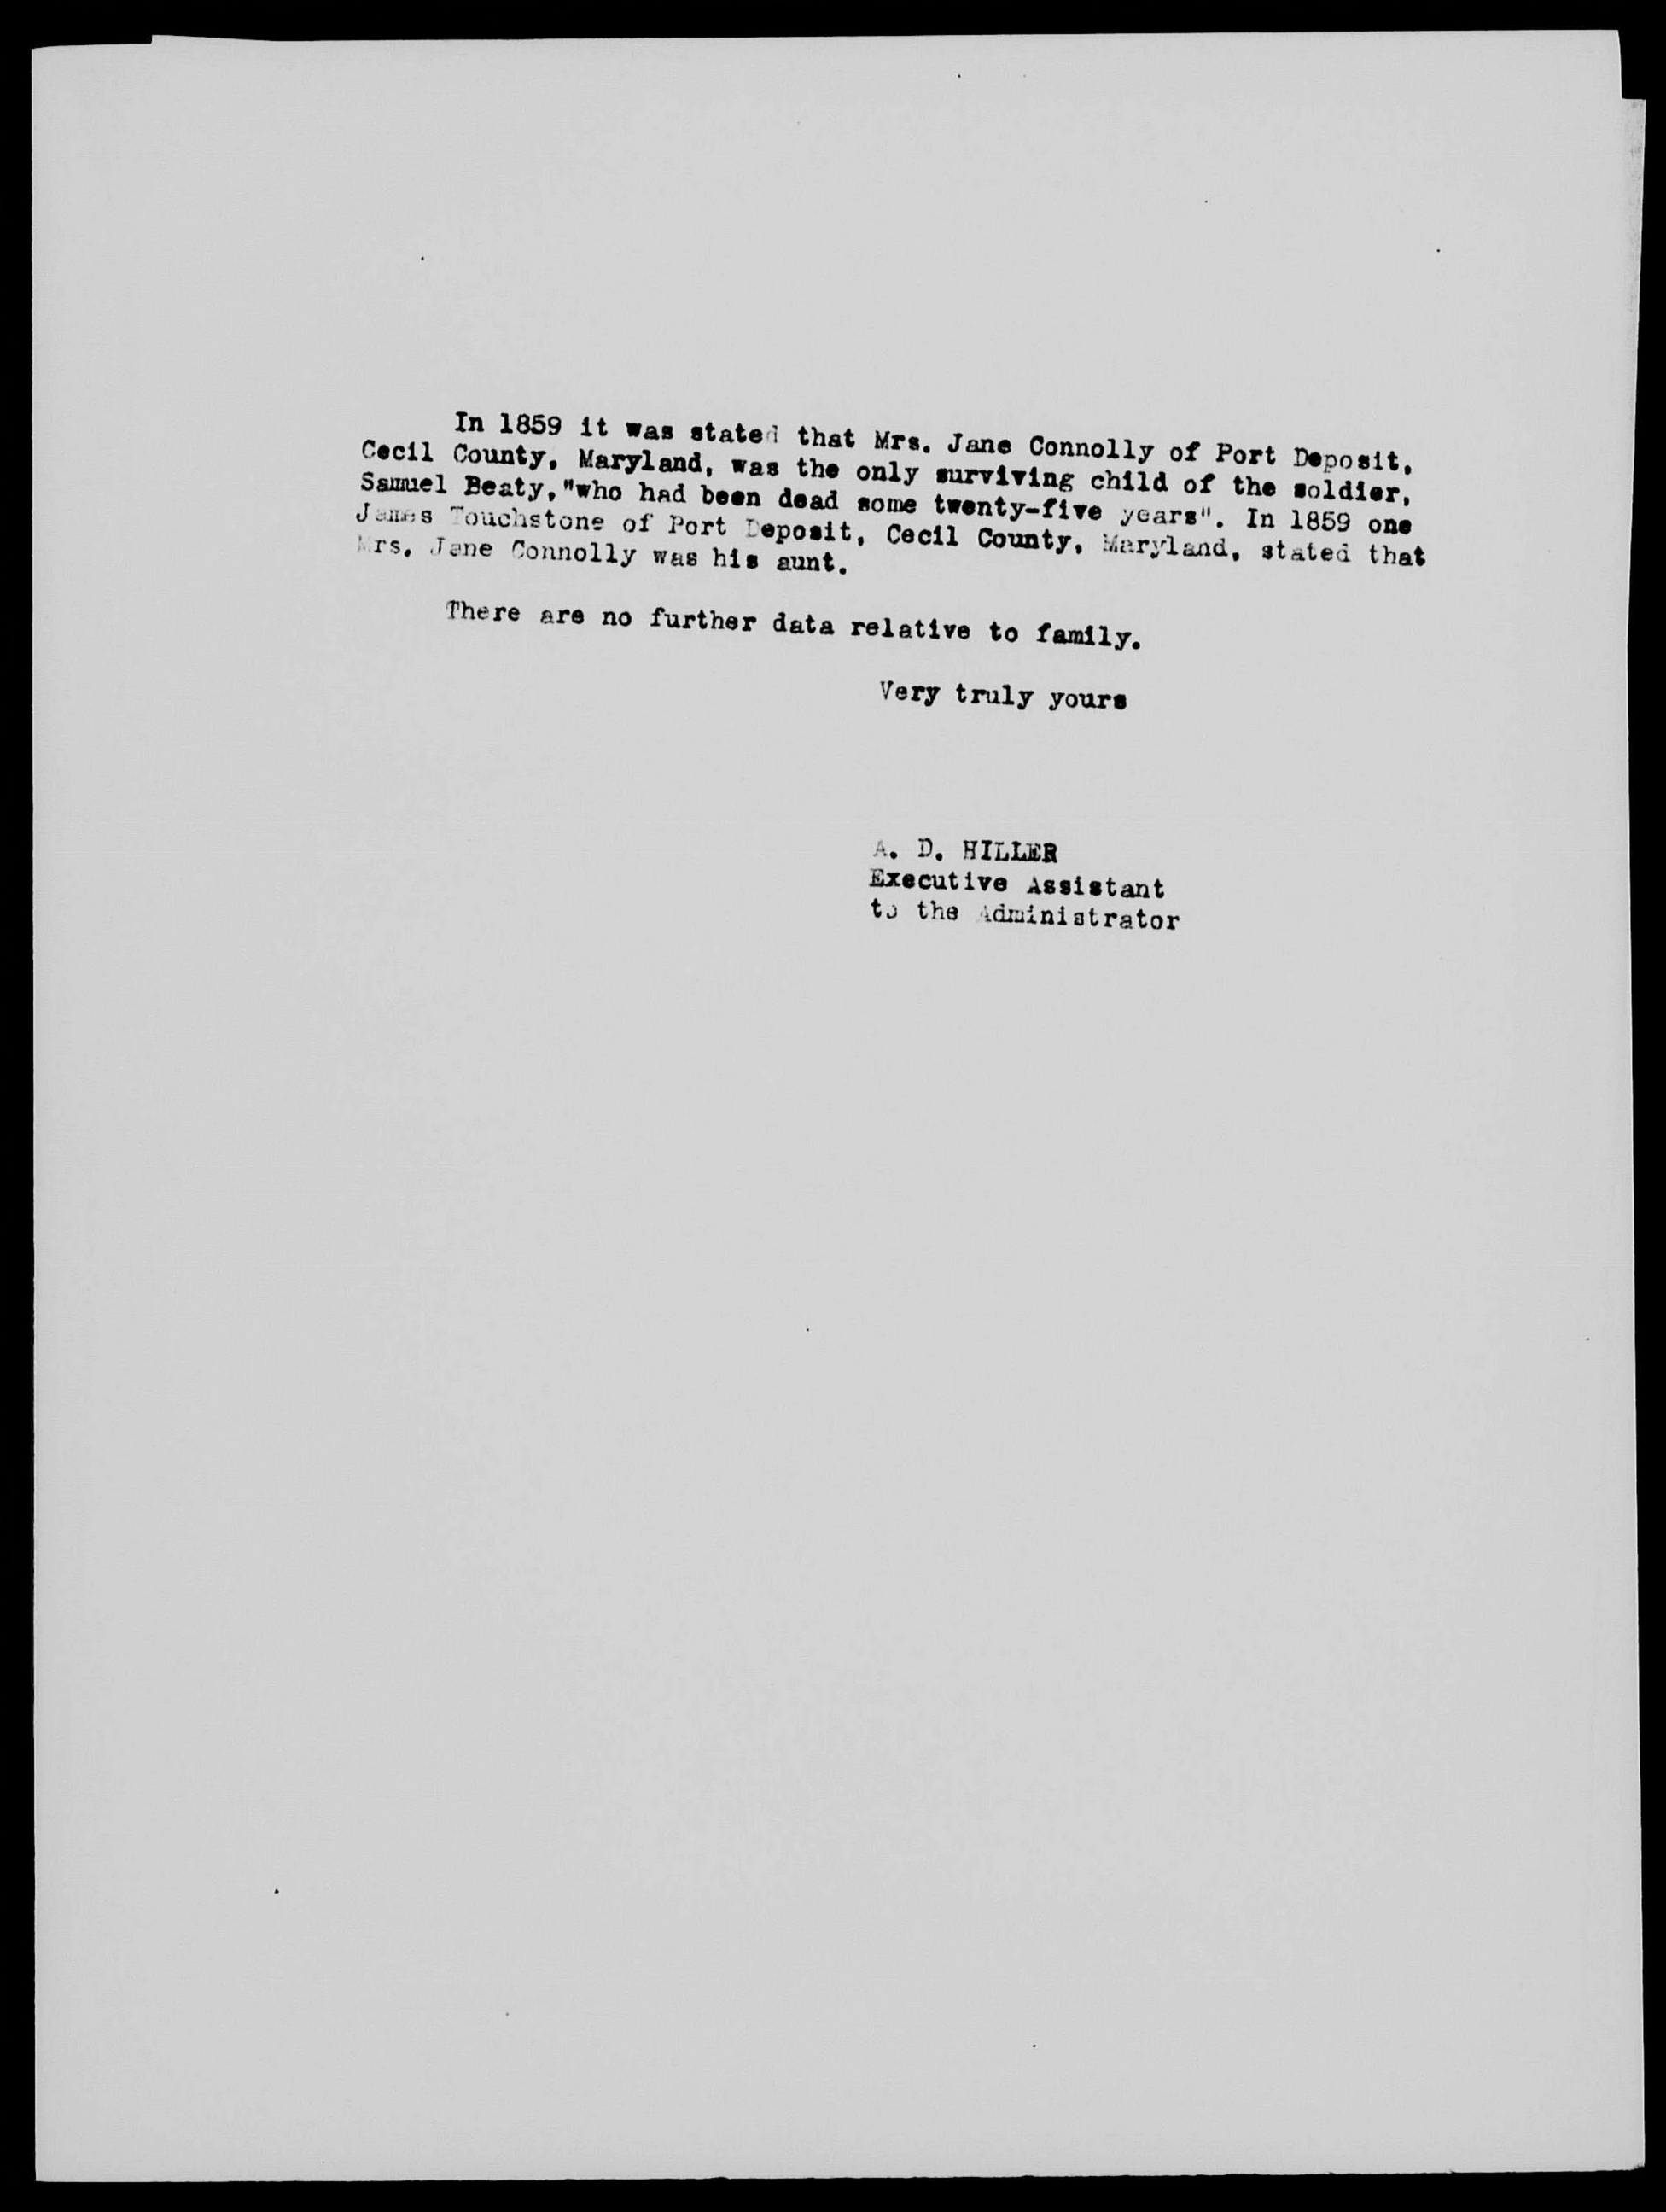In 1859 it was stated that Mrs. Jane Connolly of Port Deposit, Cecil County, Maryland, was the only surviving child of the soldier, Samuel Beaty, "who had been dead some twenty-five years" In 1859 one James Touchstone of Port Deposit, Cecil County, Maryland, stated that Mrs. Jane Connolly was his aunt.

There are no further data relative to family.

Very truly yours

A. D. HILLER
Executive Assistant
to the Administrator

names: Jane Connolly, A D Hiller, James Touchstone, Samuel Beaty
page: 14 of 31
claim: survivor's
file: S. 34646, Samuel Beaty, Penn.